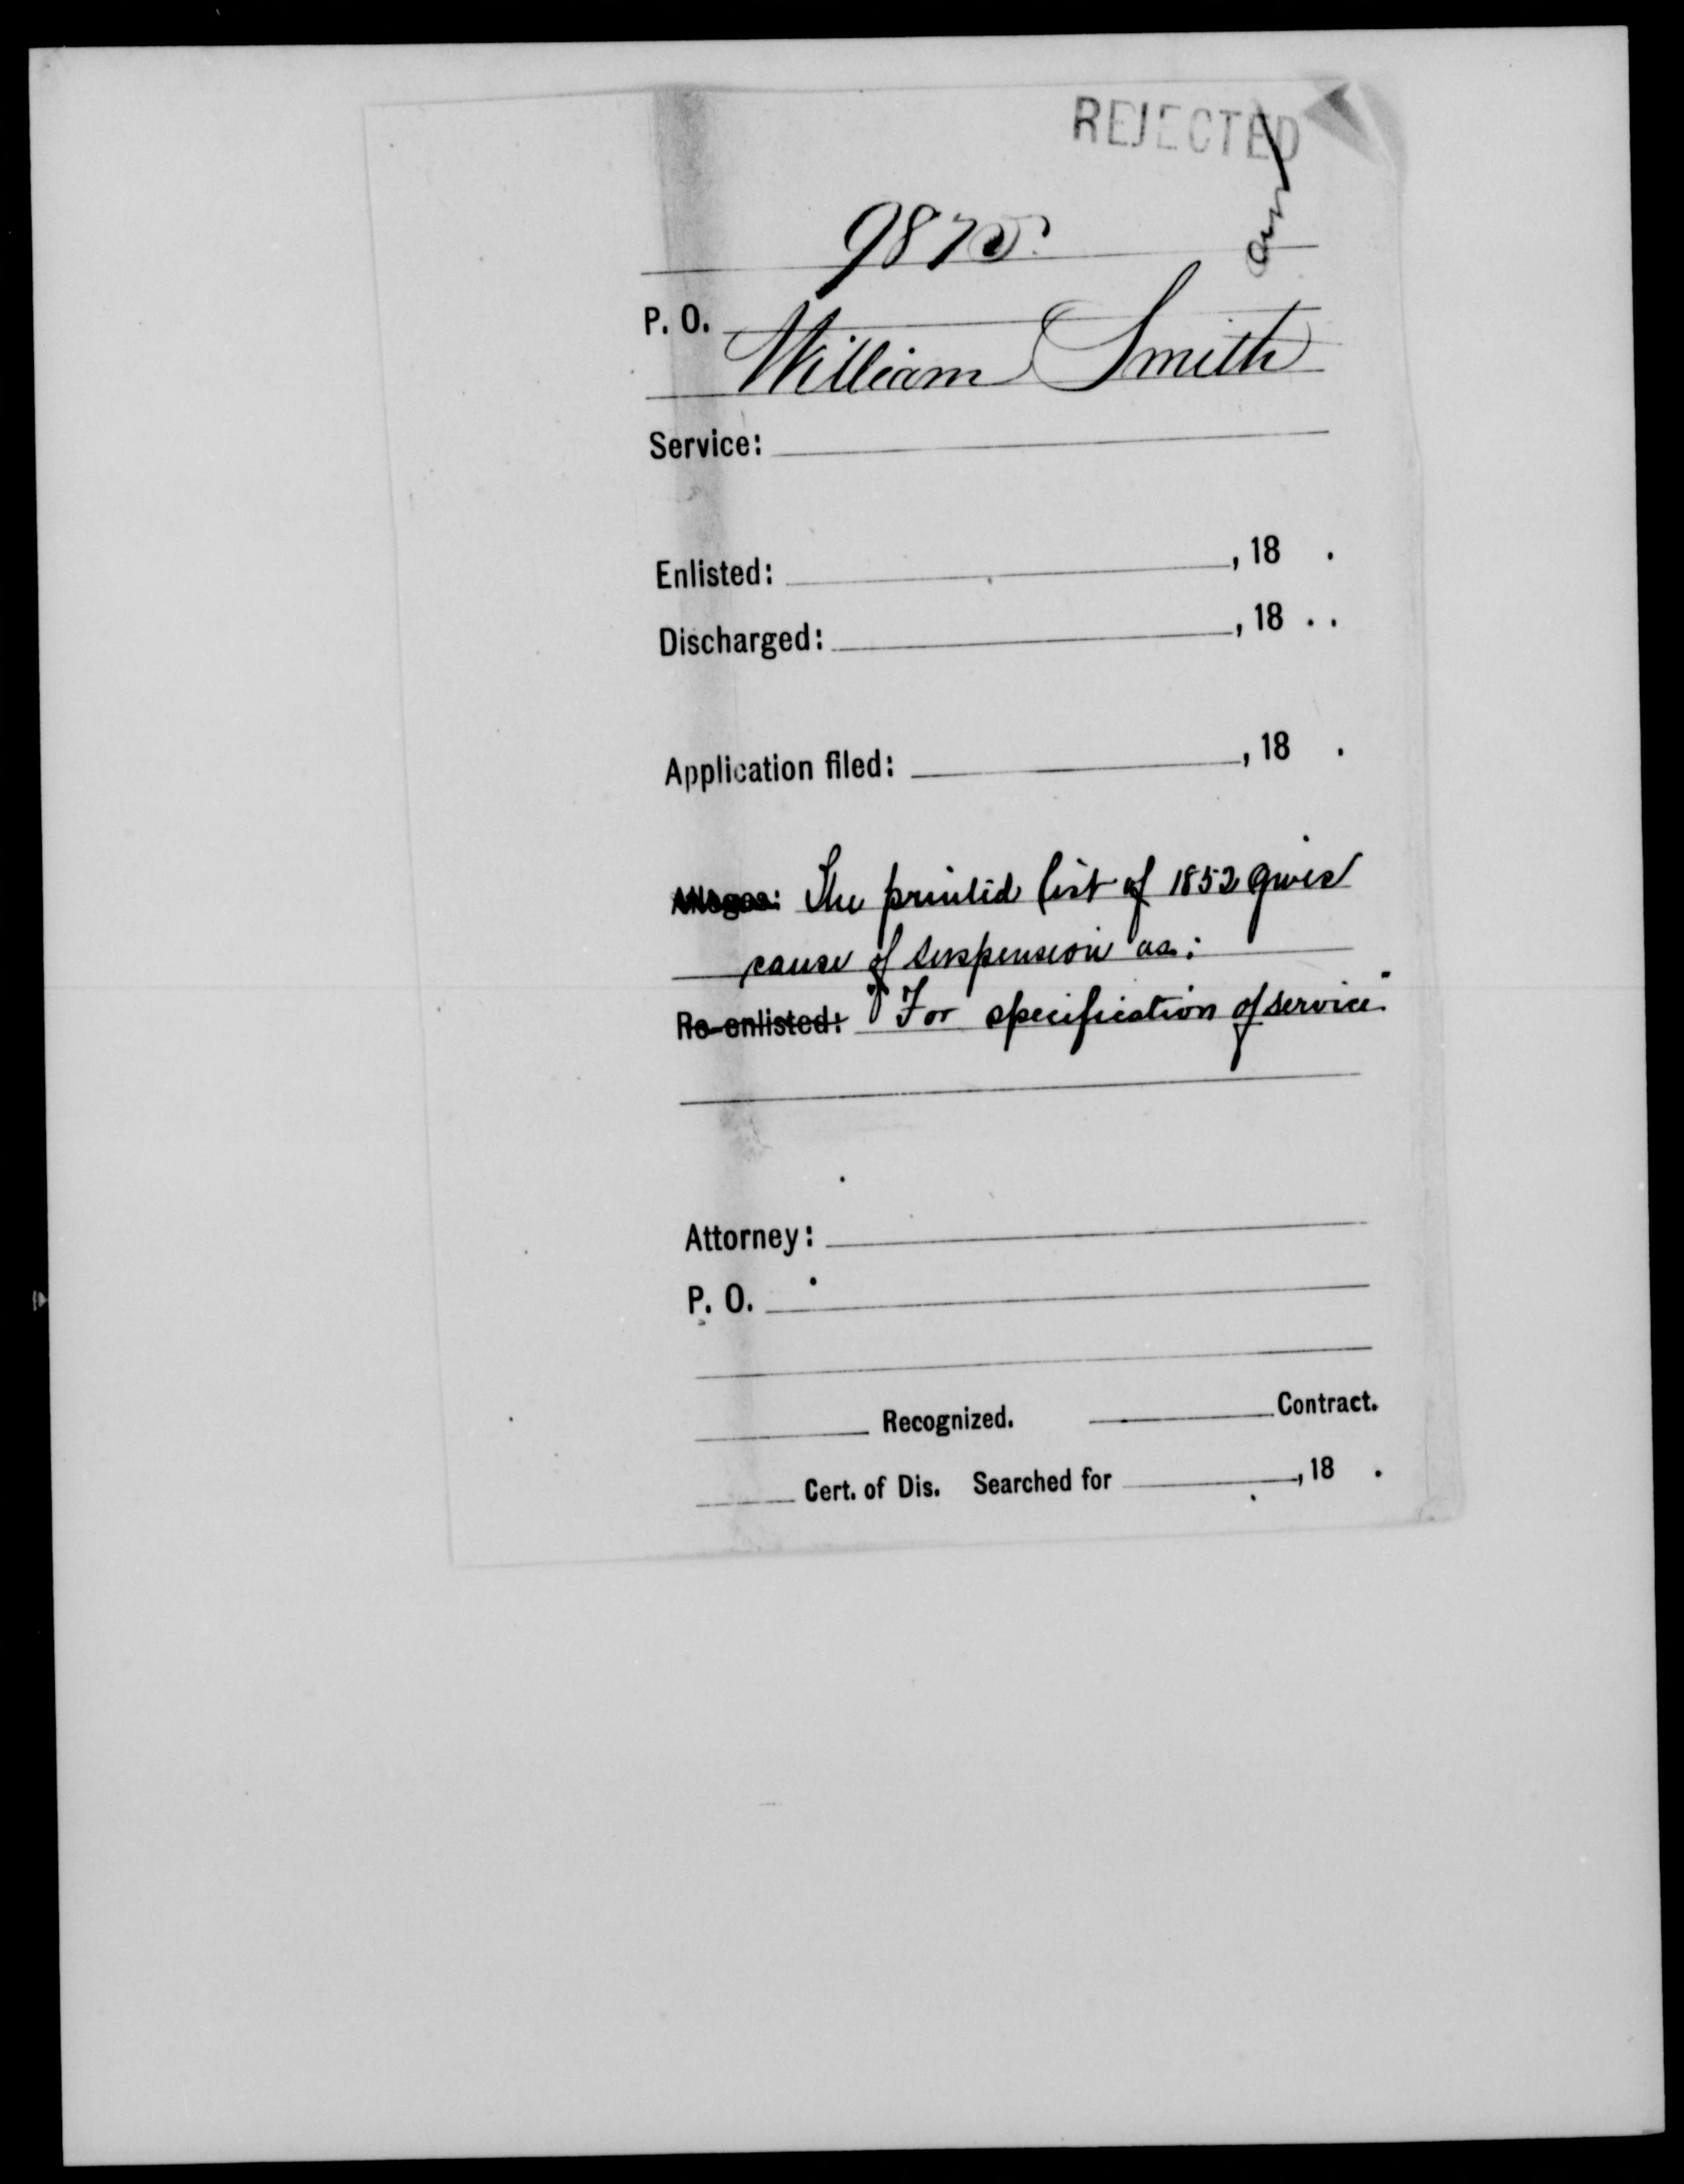REJECTED
[illegible initials]
9875
P. O. 
William Smith
Service:
Enlisted:
Discharged:
Application filed:
The printed list of 1852 gives cause of suspension as:
"For specification of service."
Attorney:
P. O.
Recognized.  Contract.
Cert. of Dis. Searched for.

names: William Smith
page: 13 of 21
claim: rejected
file: R. 9875, for William Smith, South Carolina